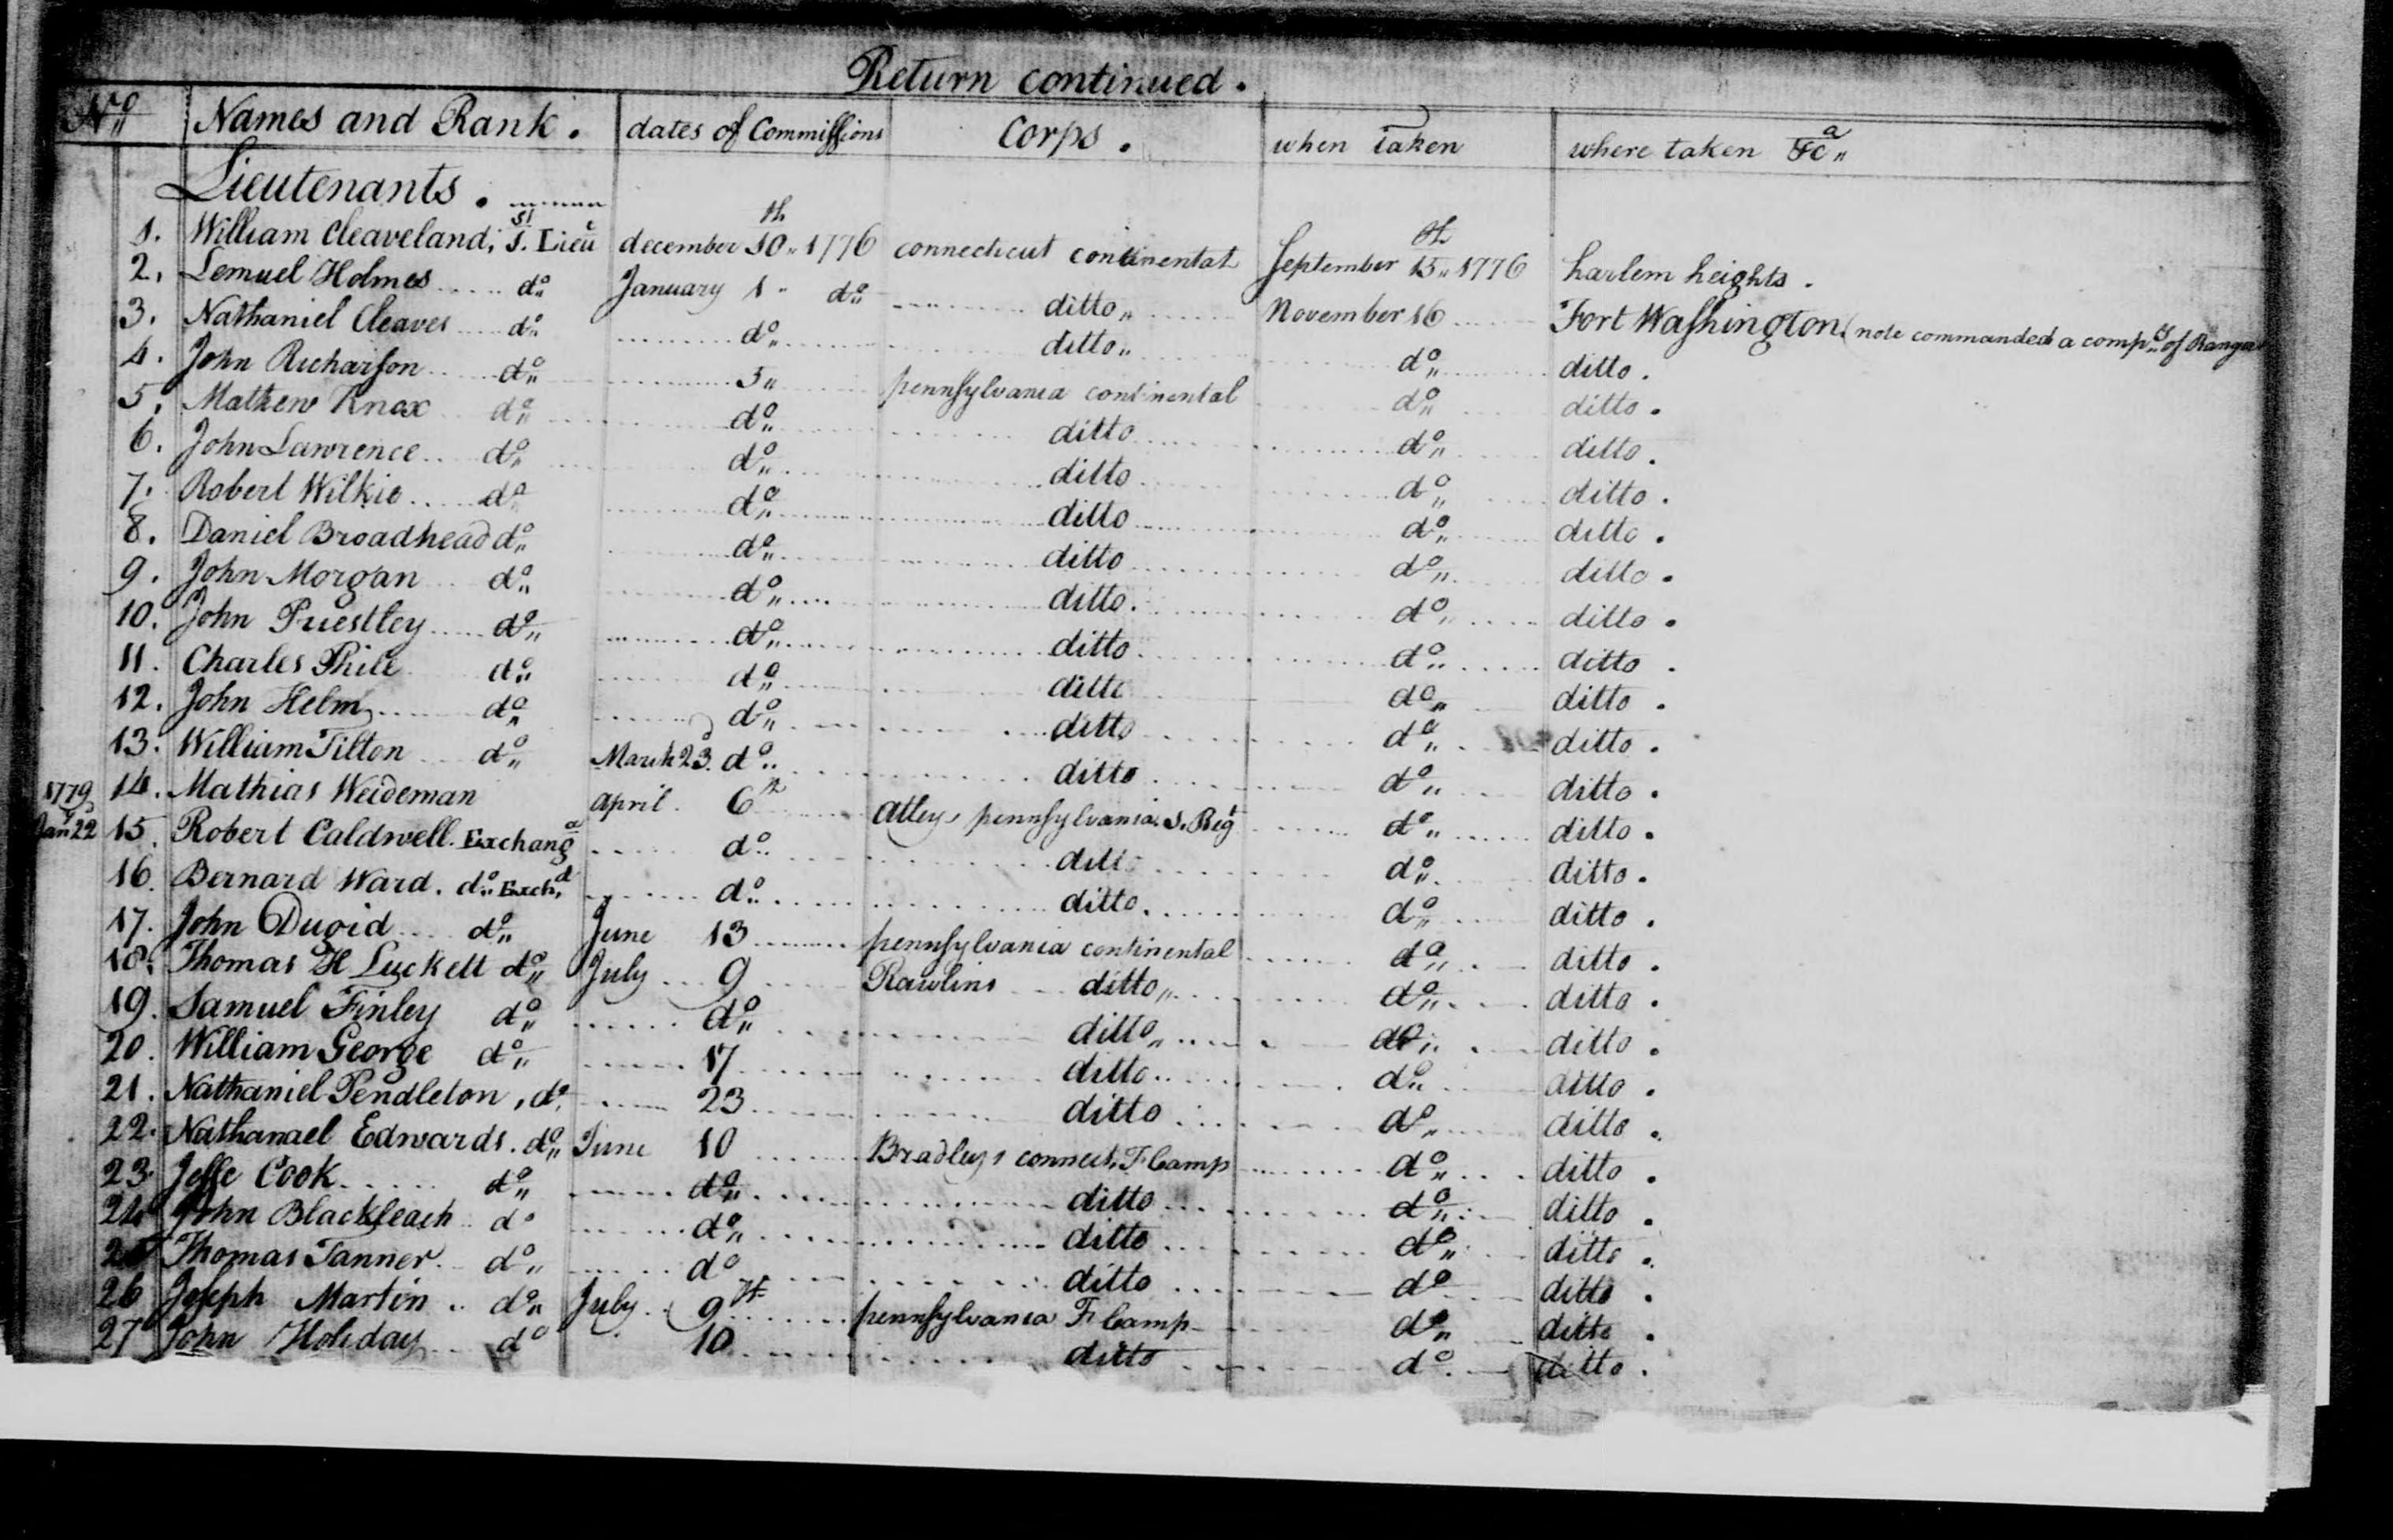Return continued. 
[column headings] No. Names and Rank. dates of Commissions. Corps. when taken. where taken &ca"
Lieutenants.
1|William Cleaveland 1st Lieut| december 10th 1776| Connecticut continental| September 15th 1776| harlem heights. 
2| Lemuel Holmes do"| do"| ditto|  November 16...| Fort Washington (note commanded a compy of Rangers.
3|Nathaniel Cleaver do"|ditto| do"|ditto.
4|John Richarson do"|do"|Pennsylvania continental| do"|ditto.
5|Mathew Knox do"| do"| ditto| do"|ditto
6| John Lawrence do"| do"| ditto| do"|ditto. 
7| Robert Wilkie do"| do"| ditto| do"| ditto.
8| Daniel Broadhead do"|do"| ditto| do"| ditto.
9|John Morgan do"|do"|ditto| do"|ditto.
10| John Priestley do"|do"|ditto| do"|ditto.
11| Charles Phile do"| do"|ditto| do"| ditto.
12| John Helm do"|do"|ditto\ do"| ditto.
13| William Tilton do"| March 23 do| ditto| do"|ditto.
1779|14| Mathias Weideman| April 6th| Atley Pennsylvania S. Regt.| do"| ditto.
Jan 22|15|Robert Caldwell.Exchangd.|do"|ditto|do"|ditto.
16|Bernard Ward do" Exchd.|do"|  ditto| do"|ditto.
17| John Duoid do"|June 13..| Pennsylvania continental| do"| ditto.
18| Thomas K Luckell do"| July 9..| Rawlins ditto| do"| ditto.
19| Samuel Finley do"|do"| ditto| do"| ditto.
20| William George do"| ...17..| ditto| do"|ditto.
21| Nathaniel Pendleton do"|...23...| ditto| do"|ditto.
22| Nathanael Edwards do"|June 10...| Bradleys connect. F. Camp| do"|ditto. 
23| Jesse Cook do"|do"| ditto| do"| ditto.
24| John Blackleach do"|do"| ditto| do"|ditto.
25|Thomas Tanner do"|do"|ditto| do"| ditto.
26| Joseph Martin do"| July 9th..| Pennsylvania F. Camp| do"| ditto.
27| John Holiday do"|..10..| ditto| do"| ditto.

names: John Blackleach, Daniel Broadhead, Nathanael Edwards, John Duoid, Nathaniel Cleaver, Joseph Martin, Jesse Cook, Bernard Ward, Mathew Knox, Thomas Tanner, John Priestley, Nathaniel Pendleton, Thomas H Luckett, William George, Robert Caldwell, William Cleaveland, William Tilton, John Morgan, John Lawrence, Robert Wilkie, John Helm, Samuel Finley, John Holiday, John Richarson, Samuel Holmes, Charles Phile, Mathias Weideman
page: 23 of 57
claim: survivor's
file: S. 2161, Hezekiah Davies, Penn